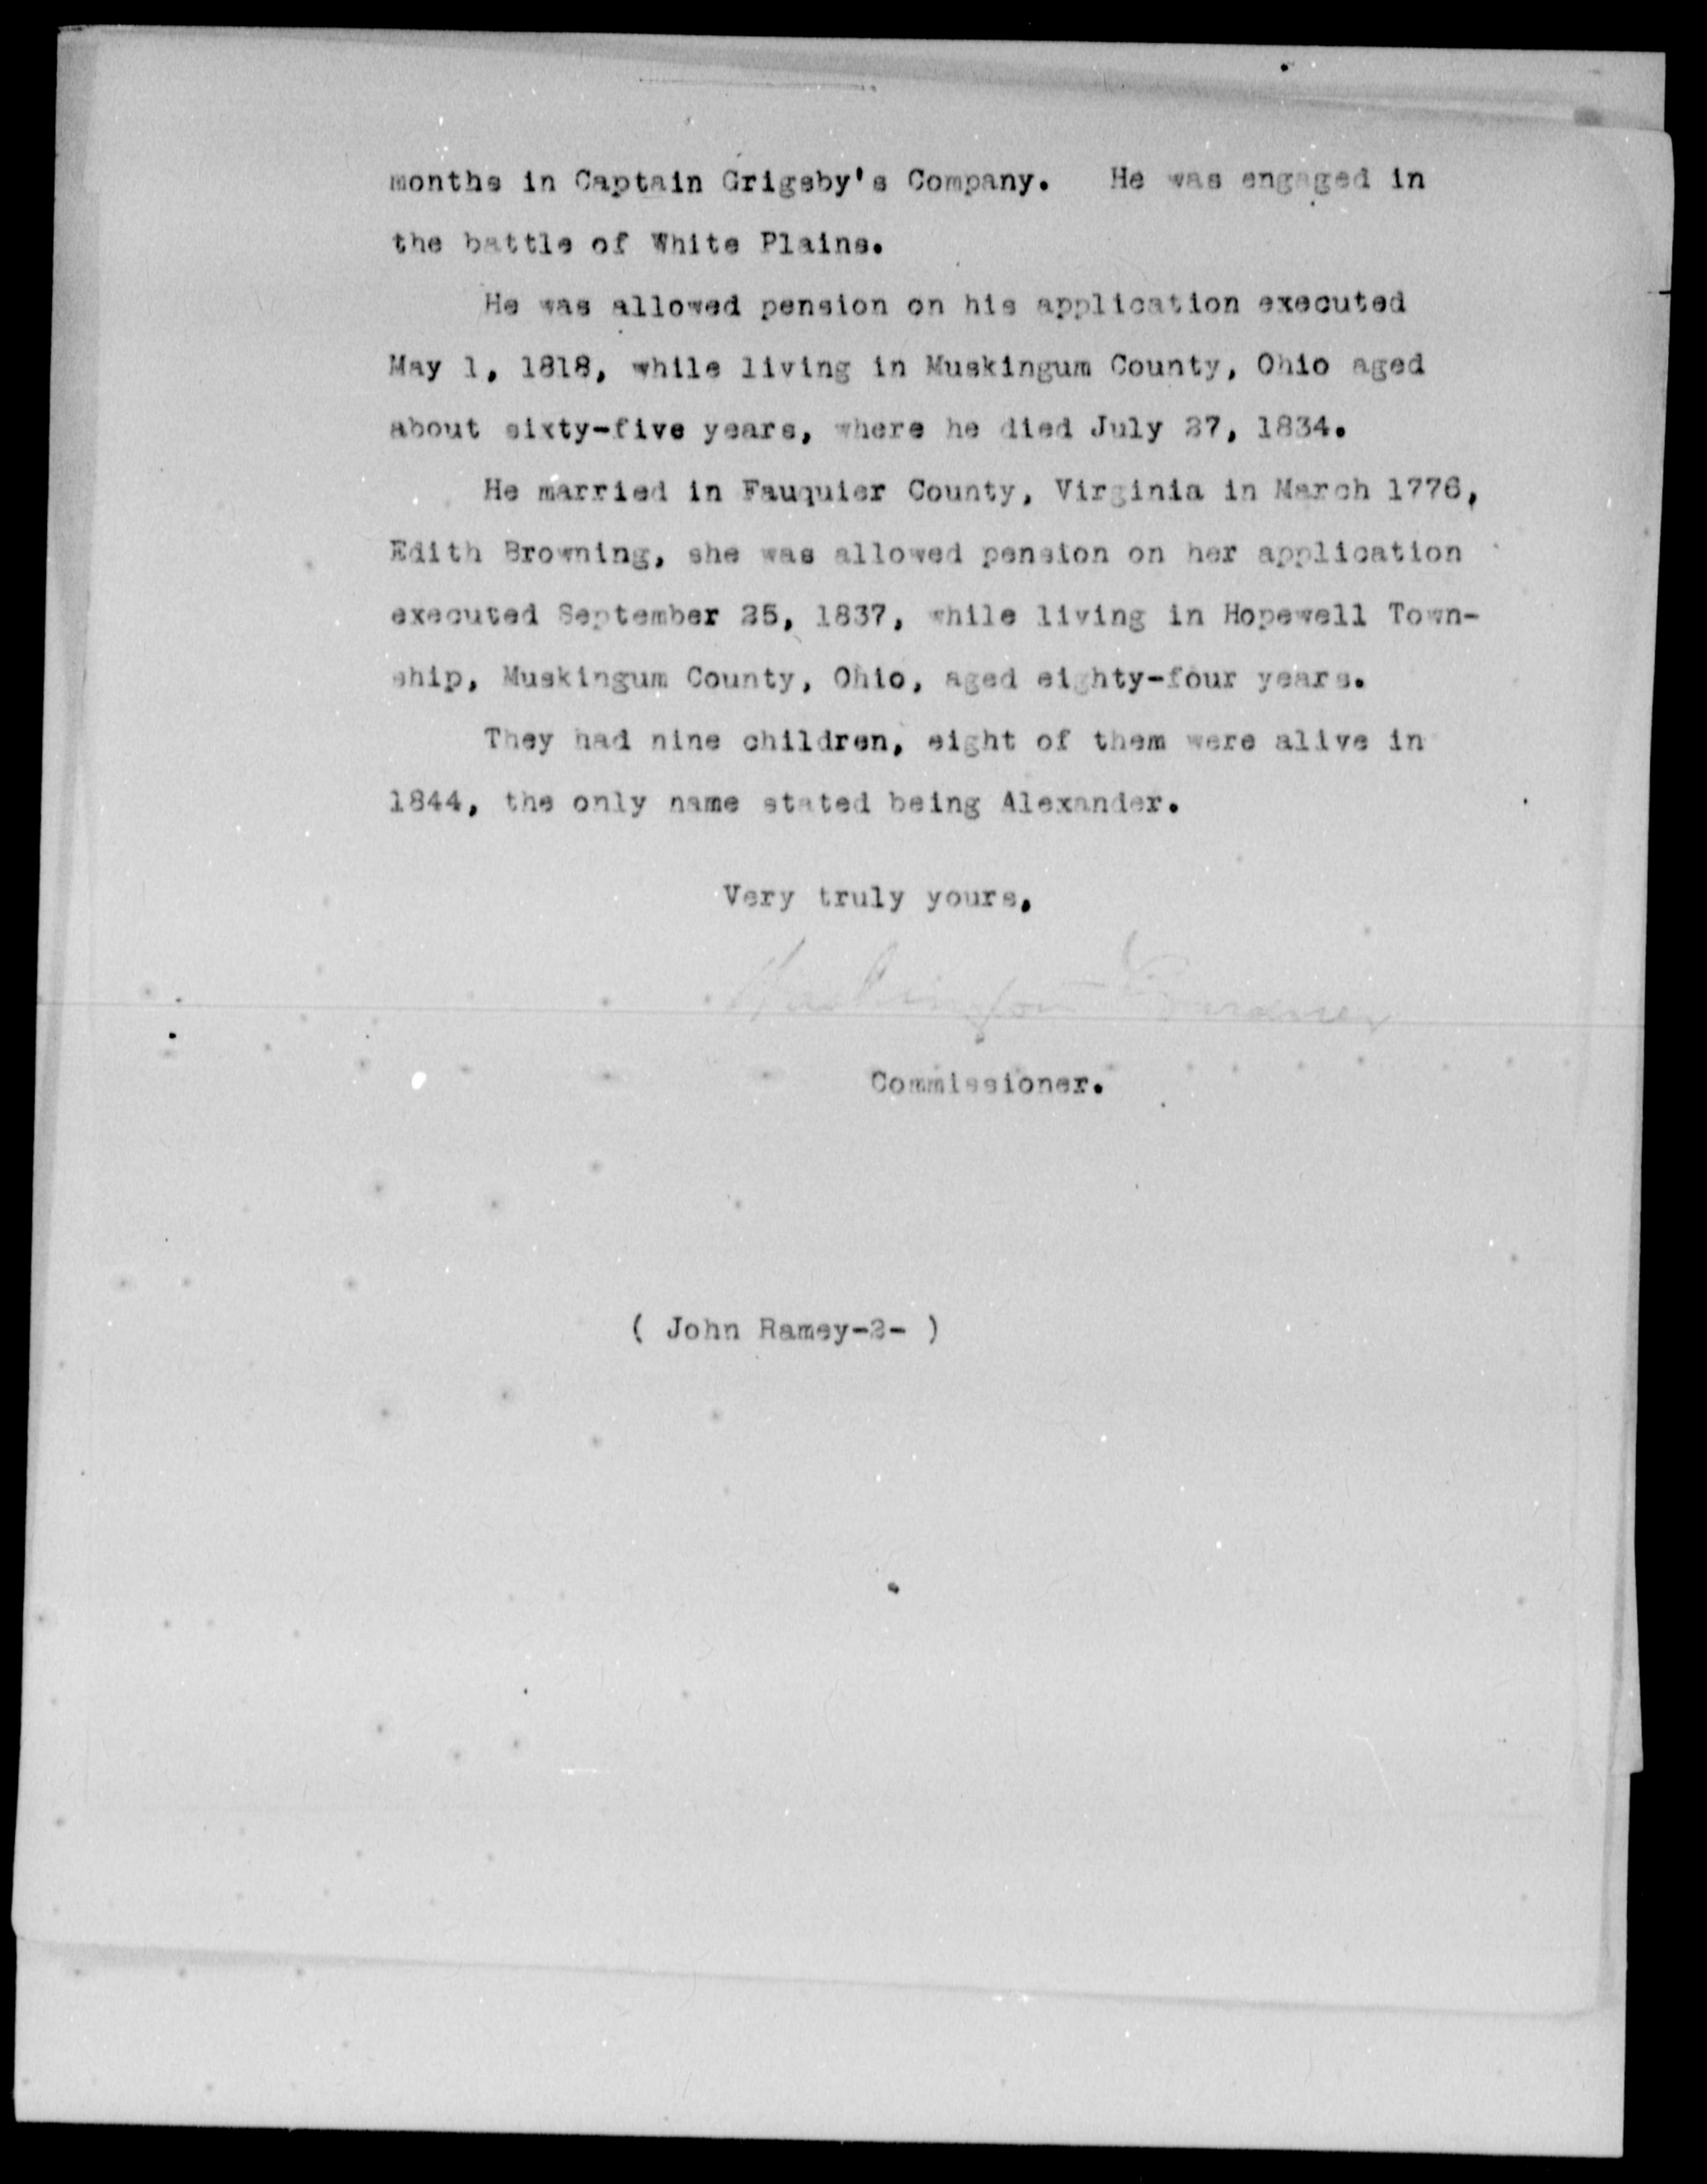months in Captain Grigsby's Company. He was engaged in the battle of White Plains.
He was allowed pension on his application executed May 1, 1818, while living in Muskingum County, Ohio aged about sixty-five years, where he died July 27, 1834.
He married in Fauquier County, Virginia in March 1776, Edith Browning, she was allowed pension on her application executed September 25, 1837, while living in Hopewell Township, Muskingum County, Ohio, aged eighty-four years.
They had nine children, eight of them were alive in 1844, the only name stated being Alexander.
Very truly yours,
Washington Gardner
Commissioner.
(John Ramey-2-)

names: Washington Gardner; Alexander [BLANK]; Edith Browning; John Ramey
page: 44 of 84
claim: widow's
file: W.11104, for John Remay, Virginia